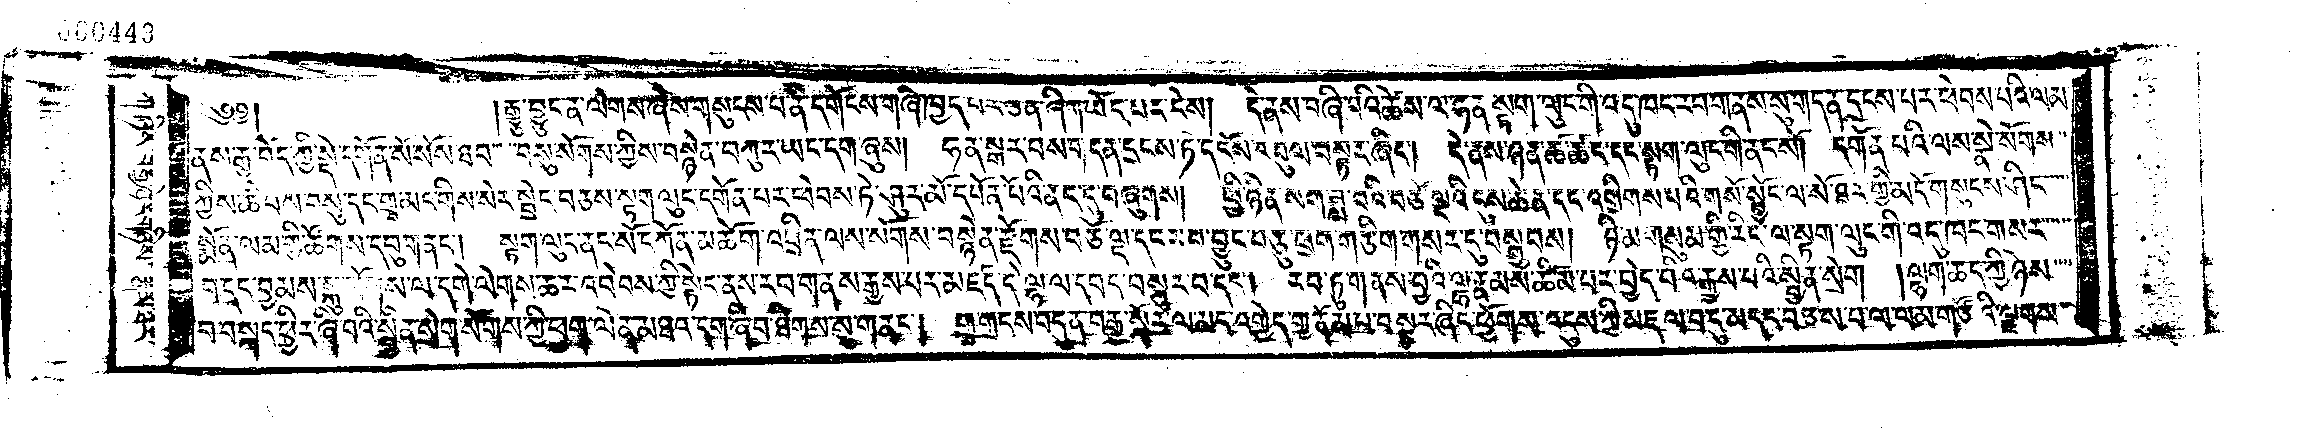༄༅། །རྒྱུ་བྱུང་ན་ལེགས་ཞེས་གསུངས་པ་ནི་དགོངས་གཞི་ཁྱད་པར་ཅན་ཞིག་ཡོད་པར་ངེས། དེ་ནས་བཞི་པའི་ཚེས་ལ་ཧན་སྟག་ལུང་གི་འདུ་ཁང་རབ་གནས་སུ་གདན་དྲངས་པར་ཕེབས་པའི་ལམ་
ནས་རྒྱ་བོད་ཀྱི་སྡེ་དགོན་སོ་སོས་ཐབ་བསུ་སོགས་ཀྱིས་བསྙེན་བཀུར་ཡང་དག་ཞུས། ཧན་སྒར་བས་གདན་དྲངས་ཏེ་དངོས་འབུལ་བསྟར་ཞིང་། དེ་ནས་ཉན་ཚ་ཚང་དང་སྟག་ལུང་གི་ནང་སོ། དགོན་པའི་ཝས་སྣེ་སོགས་
ཀྱིས་ཆིབས་བསུ་དང་གྲྭ་མང་གིས་སེར་སྦྲེང་བཅས་སྟག་ལུང་དགོན་པར་ཕེབས་ཏེ་ཤུར་མོ་དཔོན་པོའི་ནང་དུ་བཞུགས། ཕྱི་ཉིན་ས་ག་ཟླ་བའི་བཅོ་ལྔའི་དུས་ཆེན་དང་འགྲིགས་པའི་གསོ་སྦྱོང་ལ་སོ་ཐར་གྱི་མདོ་གསུངས་ཤིང་
སྨོན་ལམ་གྱི་ཚོགས་དབུ་གནང་། སྟག་ལུང་ནང་སོ་དཀོན་མཆོག་འཕྲིན་ལས་སོགས་བསྙེན་རྫོགས་བཅོ་ལྔ་དང་རབ་བྱུང་བཅུ་ཕྲག་གཅིག་གསར་དུ་བསྒྲུབས། ཉི་མ་གསུམ་གྱི་རིང་ལ་སྟག་ལུང་གི་འདུ་ཁང་གསར་
བ་དང་བྱམས་སྐུ་སོགས་ལ་དགེ་ལེགས་ཆར་འབེབས་ཀྱི་སྟེང་ནས་རབ་གནས་རྒྱས་པར་མཛད་དེ་ལྷ་ལ་དབང་བསྐུར་བ་དང་། རབ་ཏུ་གནས་བྱའི་ལྷ་རྣམས་ཚིམ་པར་བྱེད་པའི་རྒྱས་པའི་སྦྱིན་སྲེག །ལྷག་ཆང་ཀྱི་ཉེས་
བ་བསྐང་ཕྱིར་ཞི་བའི་སྦྱིན་སྲེག་སོགས་ཀྱི་ཕྱག་ལེན་མཐའ་དག་ཞིབ་ཐིགས་སུ་གནང་། གྲྭ་གྲངས་བདུན་བརྒྱ་སྐོར་ལ་མང་འགྱེད་གྱ་ནོམ་བ་བསྟར་ཞིང་ཕྱོགས་འདུས་ཀྱི་མཇལ་བ་དུ་མ་དང་བཅས་པ་ལ་ལམ་གཙོའི་ལྗགས་